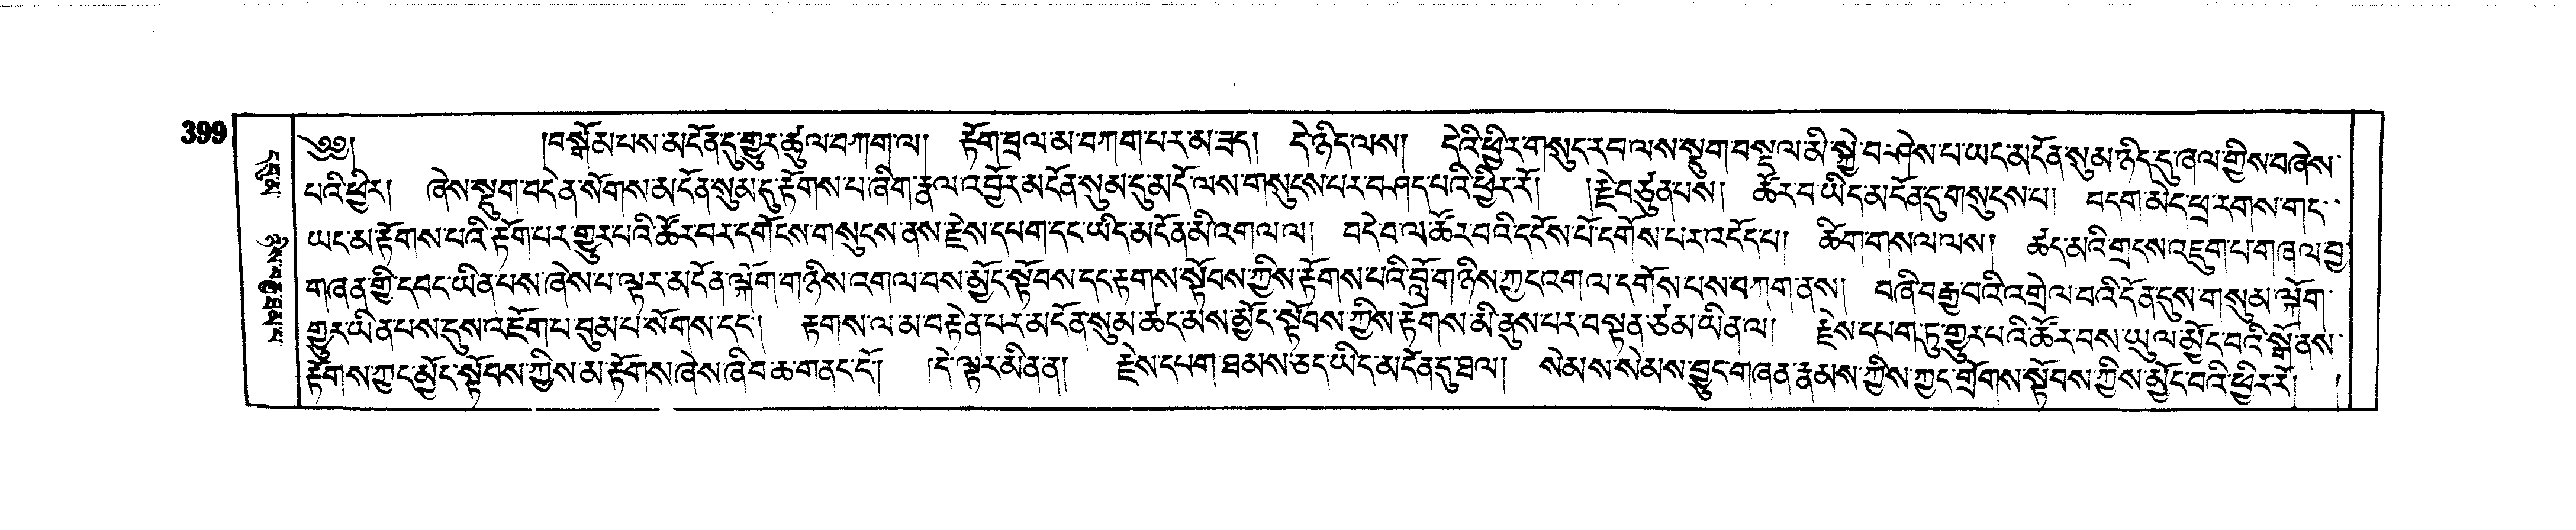༄༅། །བསྒོམ་པས་མངོན་དུ་གྱུར་ཚུལ་བཀག་ལ། རྟོག་བྲལ་མ་བཀག་པར་མ་ཟད། དེ་ཉིད་ལས། དེའི་ཕྱིར་གསུང་རབ་ལས་སྡུག་བསྔལ་མི་སྐྱེ་བ་ཤེས་པ་ཡང་མངོན་སུམ་ཉིད་དུ་ཞལ་གྱིས་བཞེས་
པའི་ཕྱིར། ཞེས་སྡུག་བདེན་སོགས་མངོན་སུམ་དུ་རྟོགས་པ་ཞིག་རྣལ་འབྱོར་མངོན་སུམ་དུ་མདོ་ལས་གསུངས་པར་བཤད་པའི་ཕྱིར་རོ། །རྗེ་བཙུན་པས། ཚོར་བ་ཡིད་མངོན་དུ་གསུངས་པ། བདག་མེད་ཕྲ་རགས་གང་
ཡང་མ་རྟོགས་པའི་རྟོག་པར་གྱུར་པའི་ཚོར་བར་དགོངས་གསུངས་ནས་རྗེས་དཔག་དང་ཡིད་མངོན་མི་འགལ་ལ། བདེ་བ་ལ་ཚོར་བའི་དངོས་པོ་དགོས་པར་འདོད་པ། ཚིག་གསལ་ལས། ཚད་མའི་གྲངས་འཇུག་པ་གཞལ་བྱ་
གཞན་གྱི་དབང་ཡིན་པས་ཞེས་པ་ལྟར་མངོན་ལྐོག་གཉིས་འགལ་བས་མྱོང་སྟོབས་དང་རྟགས་སྟོབས་ཀྱིས་རྟོགས་པའི་བློ་གཉིས་ཀྱང་འགལ་དགོས་པས་བཀག་ནས། བཞི་བརྒྱ་བའི་འགྲེལ་བའི་དོན་དུས་གསུམ་ལྐོག་
གྱུར་ཡིན་པས་དུས་འཇོག་པ་བུམ་པ་སོགས་དང་། རྟགས་ལ་མ་བརྟེན་པར་མངོན་སུམ་ཚད་མས་མྱོང་སྟོབས་ཀྱིས་རྟོགས་མི་ནུས་པར་བསྟན་ཙམ་ཡིན་ལ། རྗེས་དཔག་ཏུ་གྱུར་པའི་ཚོར་བས་ཡུལ་མྱོང་བའི་སྒོ་ནས་
རྟོགས་ཀྱང་མྱོང་སྟོབས་ཀྱིས་མ་རྟོགས་ཞེས་ཞིབ་ཆ་གནང་ངོ། །དེ་ལྟར་མིན་ན། རྗེས་དཔག་ཐམས་ཅད་ཡིད་མངོན་དུ་ཐལ། སེམས་སེམས་བྱུང་གཞན་རྣམས་ཀྱིས་ཀྱང་གྲོགས་སྟོབས་ཀྱིས་མྱོང་བའི་ཕྱིར་རོ། །